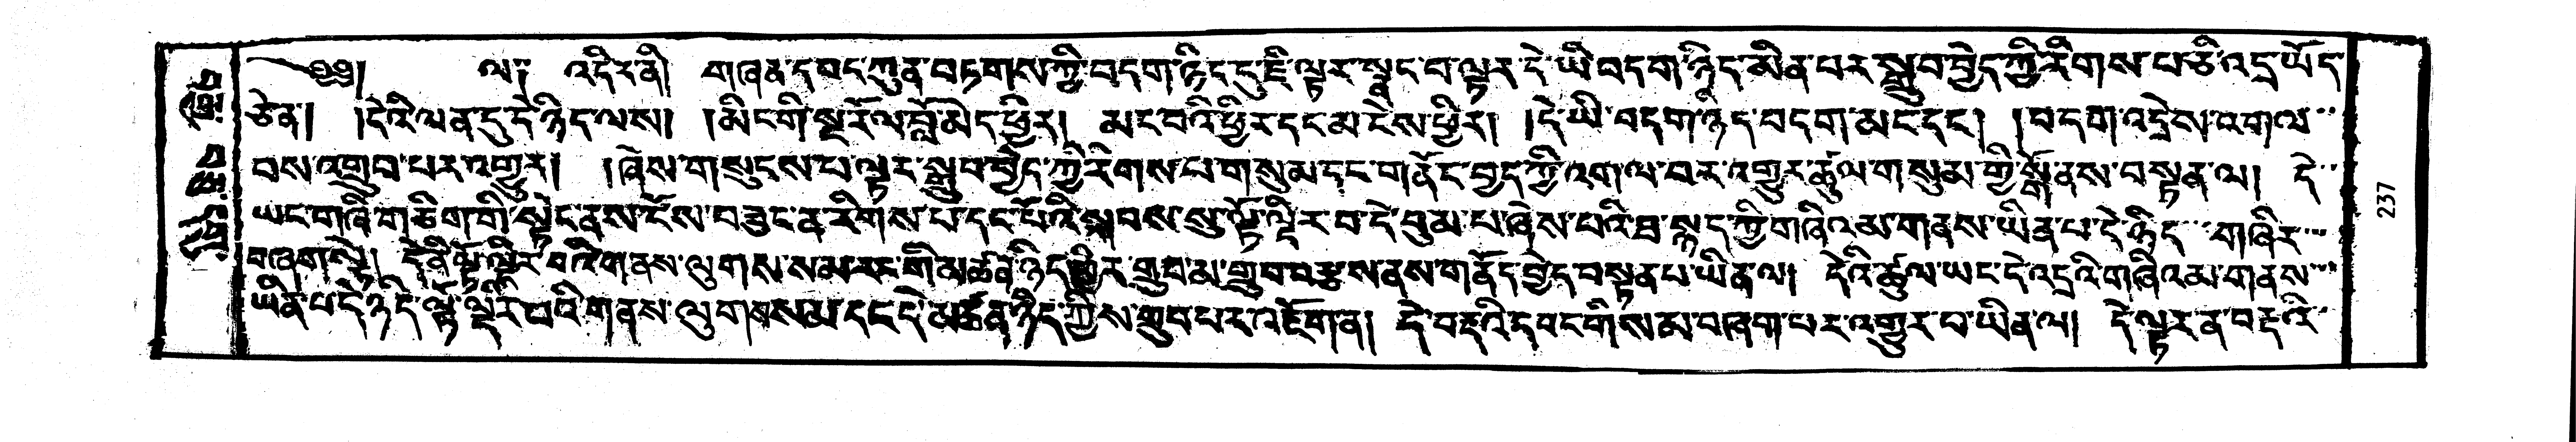༄༅། །ལ༑ འདིར་ནི། གཞན་དབང་ཀུན་བཏགས་ཀྱི་བདག་ཉིད་དུ་ཇི་ལྟར་སྣང་བ་ལྟར་དེ་ཡི་བདག་ཉིད་མིན་པར་སྒྲུབ་བྱེད་ཀྱི་རིགས་པ་ཅི་འདྲ་ཡོད་
ཅེ་ན། །དེའི་ལན་དུ་དེ་ཉིད་ལས། །མིང་གི་སྔ་རོལ་བློ་མེད་ཕྱིར། མང་བའི་ཕྱིར་དང་མ་ངེས་ཕྱིར། །དེ་ཡི་བདག་ཉིད་བདག་མང་དང་། །བདག་འདྲེས་འགལ་
བས་འགྲུབ་པར་འགྱུར། །ཞེས་གསུངས་པ་ལྟར་སྒྲུབ་བྱེད་ཀྱི་རིགས་པ་གསུམ་དང་གནོད་བྱད་ཀྱི་འགལ་བར་འགྱུར་ཚུལ་གསུམ་གྱི་སྒོ་ནས་བསྟན་ལ། དེ་
ཡང་གཞི་གཅིག་གི་སྟེང་ནས་ངོས་བཟུང་ན་རིགས་པ་དང་པོའི་སྐབས་སུ་ལྟོ་ལྡིར་བ་དེ་བུམ་པ་ཞེས་པའི་ཐ་སྙད་ཀྱི་གཞིའམ་གནས་ཡིན་པ་དེ་ཉིད་གཞིར་
བཞག་སྟེ། དེ་ནི་ལྟོ་ལྡིར་བའི་གནས་ལུགས་སམ་རང་གི་མཚན་ཉིད་གྱི་ཐུབ་མ་གྲུབ་བརྩས་ནས་གནོད་བྱེད་བསྟན་པ་ཡིན་ལ། དེའི་ཚུལ་ཡང་དེ་འདྲའི་གཞིའམ་གནས་
ཡིན་པ་དེ་ཉིད་ལྟོ་ལྡིར་བའི་གནས་ལུགས་སམ་དང་དེ་མཚན་ཉིད་ཀྱིས་གྲུབ་པར་འཇོག་ན། དེ་བརྡའི་དབང་གིས་མ་བཞག་པར་འགྱུར་བ་ཡིན་ལ། དེ་ལྟར་ན་བརྡའི་